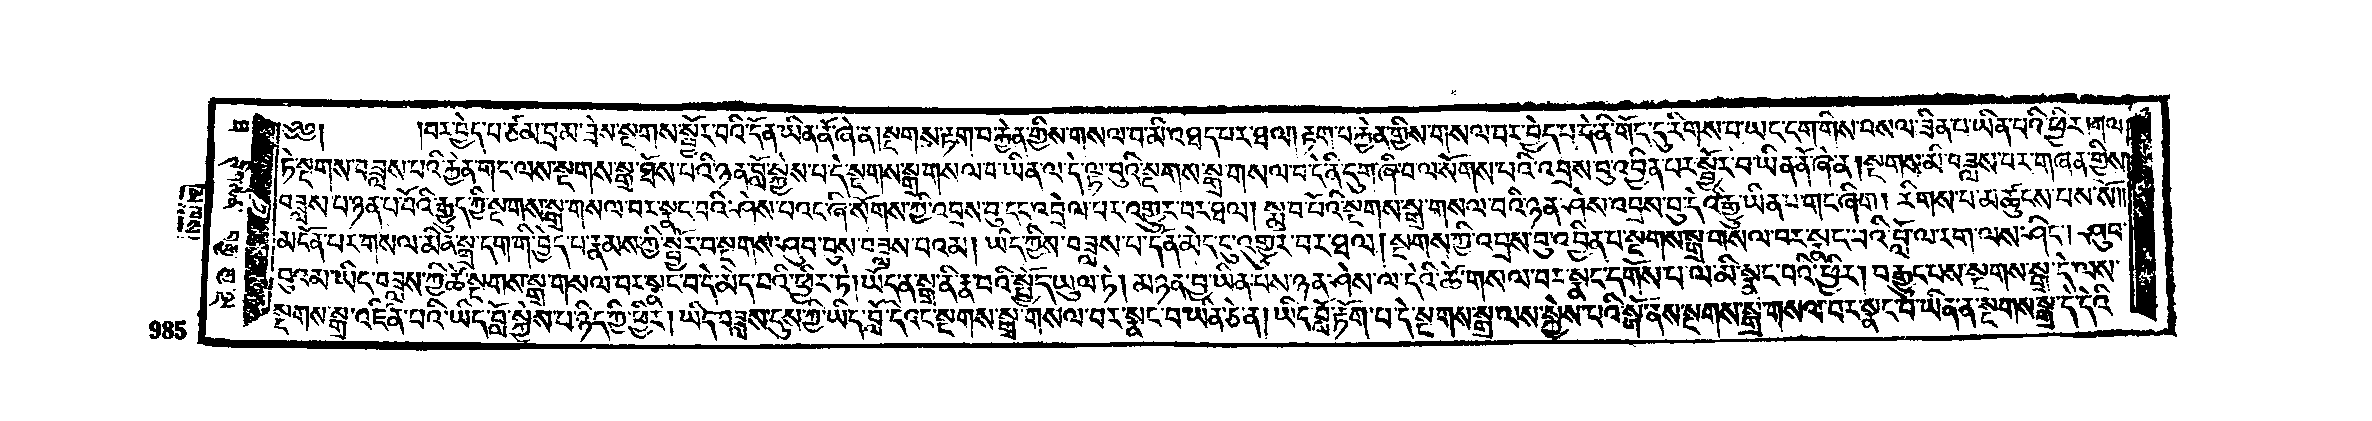༄༅། །བར་བྱེད་པ་ཙམ་བྲམ་ཟེས་སྔགས་སྦྱོར་བའི་དོན་ཡིན་ནོ་ཞེ་ན། སྔགས་རྟག་པ་རྐྱེན་གྱིས་གསལ་བ་མི་འཐད་པར་ཐལ། རྟག་པ་རྐྱེན་གྱིས་གསལ་བར་བྱེད་པ་དེ་ནི་གོང་དུ་རིགས་པ་ཡང་དག་གིས་བསལ་ཟིན་པ་ཡིན་པའི་ཕྱིར། གལ་
ཏེ་སྔགས་བཟླས་པའི་རྐྱེན་གང་ལས་སྔགས་སྒྲ་ཐོས་པའི་ཉན་བློ་སྐྱེས་པ་དེ་སྔགས་སྒྲ་གསལ་བ་ཡིན་ལ་དེ་ལྟ་བུའི་སྔགས་སྒྲ་གསལ་བ་དེ་ནི་དུག་ཞི་བ་ལ་སོགས་པའི་འབྲས་བུ་འབྱིན་པར་སྦྱོར་བ་ཡིན་ནོ་ཞེ་ན། སྔགས་མི་བཟླས་པར་གཞན་གྱིས་
བཟླས་པ་ཉན་པ་པོའི་རྒྱུད་ཀྱི་སྔགས་སྒྲ་གསལ་བར་སྣང་བའི་ཤེས་པའང་ཞི་སོགས་ཀྱི་འབྲས་བུ་དང་འབྲེལ་པར་འགྱུར་བར་ཐལ། སྨྲ་བ་པོའི་སྔགས་སྒྲ་གསལ་བའི་ཉན་ཤེས་འབྲས་བུ་དེའི་རྒྱུ་ཡིན་པ་གང་ཞིག །རིགས་པ་མཚུངས་པས་སོ།།
མངོན་པར་གསལ་མིན་སྒྲ་དག་གི་བྱེད་པ་རྣམས་ཀྱི་སྦྱོར་བ་སྔགས་ཤུབ་བུས་བཟླས་པའམ། ཡིད་ཀྱིས་བཟླས་པ་དོན་མེད་དུ་འགྱུར་བར་ཐལ། སྔགས་ཀྱི་འབྲས་བུ་འབྱིན་པ་སྔགས་སྒྲ་གསལ་བར་སྣང་བའི་བློ་ལ་རག་ལས་ཤིང་། ཤུབ་
བུའམ་ཡིད་བཟླས་ཀྱི་ཚེ་སྔགས་སྒྲ་གསལ་བར་སྣང་བ་དེ་མེད་པའི་ཕྱིར་ཏེ། ཡོད་ན་སྒྲ་ནི་རྣ་བའི་སྤྱོད་ཡུལ་ཏེ། མཉན་བྱ་ཡིན་པས་ཉན་ཤེས་ལ་དེའི་ཚེ་གསལ་བར་སྣང་དགོས་པ་ལ་མི་སྣང་བའི་ཕྱིར། བརྒྱུད་པས་སྔགས་སྒྲ་དེ་ལས་
སྔགས་སྒྲ་འཛིན་པའི་ཡིད་བློ་སྐྱེས་པ་ཉིད་ཀྱི་ཕྱིར། ཡིད་བཟླས་དུས་ཀྱི་ཡིད་བློ་དེའང་སྔགས་སྒྲ་གསལ་བར་སྣང་བ་ཡིན་ཅེ་ན། ཡིད་བློ་རྟོག་པ་དེ་སྔགས་སྒྲ་ལས་སྐྱེས་པའི་སྒོ་ནས་སྔགས་སྒྲ་གསལ་བར་སྣང་བ་ཡིན་ན་སྔགས་སྒྲ་དེ་དེའི་